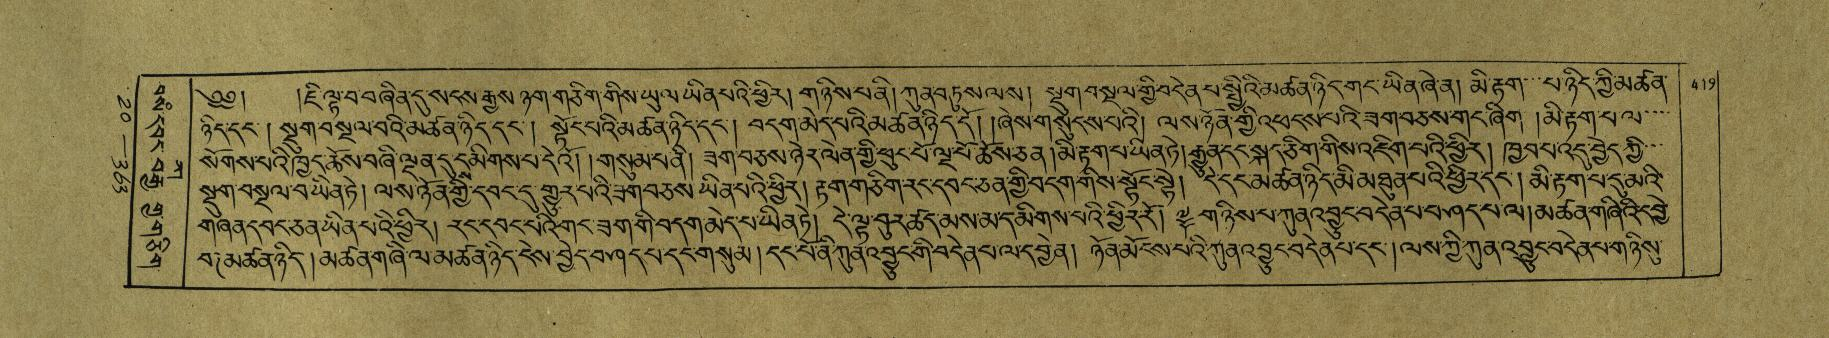༄༅། །ཇི་ལྟ་བ་བཞིན་དུ་སངས་རྒྱས་ཉག་གཅིག་གིས་ཡུལ་ཡིན་པའི་ཕྱིར། གཉིས་པ་ནི། ཀུན་བཏུས་ལས། སྡུག་བསྔལ་གྱི་བདེན་པ་སྤྱིའི་མཚན་ཉིད་གང་ཡིན་ཞེ་ན། མི་རྟག་པ་ཉིད་ཀྱི་མཚན་
ཉིད་དང་། སྡུག་བསྔལ་བའི་མཚན་ཉིད་དང་། སྟོང་པའི་མཚན་ཉིད་དང་། བདག་མེད་པའི་མཚན་ཉིད་དོ། །ཞེས་གསུངས་པའི། ལས་ཉོན་གྱི་འཕངས་པའི་ཟག་བཅས་གང་ཞིག །མི་རྟག་པ་ལ་
སོགས་པའི་ཁྱད་ཆོས་བཞི་ལྡན་དུས་དམིགས་པ་དེའོ། །གསུམ་པ་ནི། ཟག་བཅས་ཉེར་ལེན་གྱི་ཕུང་པོ་ལྔ་པོ་ཆོས་ཅན། མི་རྟག་པ་ཡིན་ཏེ། རྒྱུན་དང་སྐད་ཅིག་གིས་འཇིག་པའི་ཕྱིར། ཁྱབ་པ་འདུ་བྱེད་ཀྱི་
སྡུག་བསྔལ་བ་ཡིན་ཏེ། ལས་ཉོན་གྱི་དབང་དུ་གྱུར་པའི་ཟག་བཅས་ཡིན་པའི་ཕྱིར། རྟག་གཅིག་རང་དབང་ཅན་གྱི་བདག་གིས་སྟོང་སྟེ། དེ་དང་མཚན་ཉིད་མི་མཐུན་པའི་ཕྱིར་དང་། མི་རྟག་པ་དུ་མའི་
གཞན་དབང་ཅན་ཡིན་པའི་ཕྱིར། རང་དབང་པའི་གང་ཟག་གི་བདག་མེད་པ་ཡིན་ཏེ། དེ་ལྟ་བུར་ཚད་མས་མ་དམིགས་པའི་ཕྱིར་རོ། ༈ གཉིས་པ་ཀུན་འབྱུང་བདེན་པ་བཤད་པ་ལ། མཚན་གཞིའི་དབྱེ་
བ༑ མཚན་ཉིད། མཚན་གཞི་ལ་མཚན་ཉིད་ངེས་བྱེད་བཤད་པ་དང་གསུམ། དང་པོ་ནི་ཀུན་འབྱུང་གི་བདེན་པ་ལ་དབྱེ་ན། ཉོན་མོངས་པའི་ཀུན་འབྱུང་བདེན་པ་དང་། ལས་ཀྱི་ཀུན་འབྱུང་བདེན་པ་གཉིསུ་